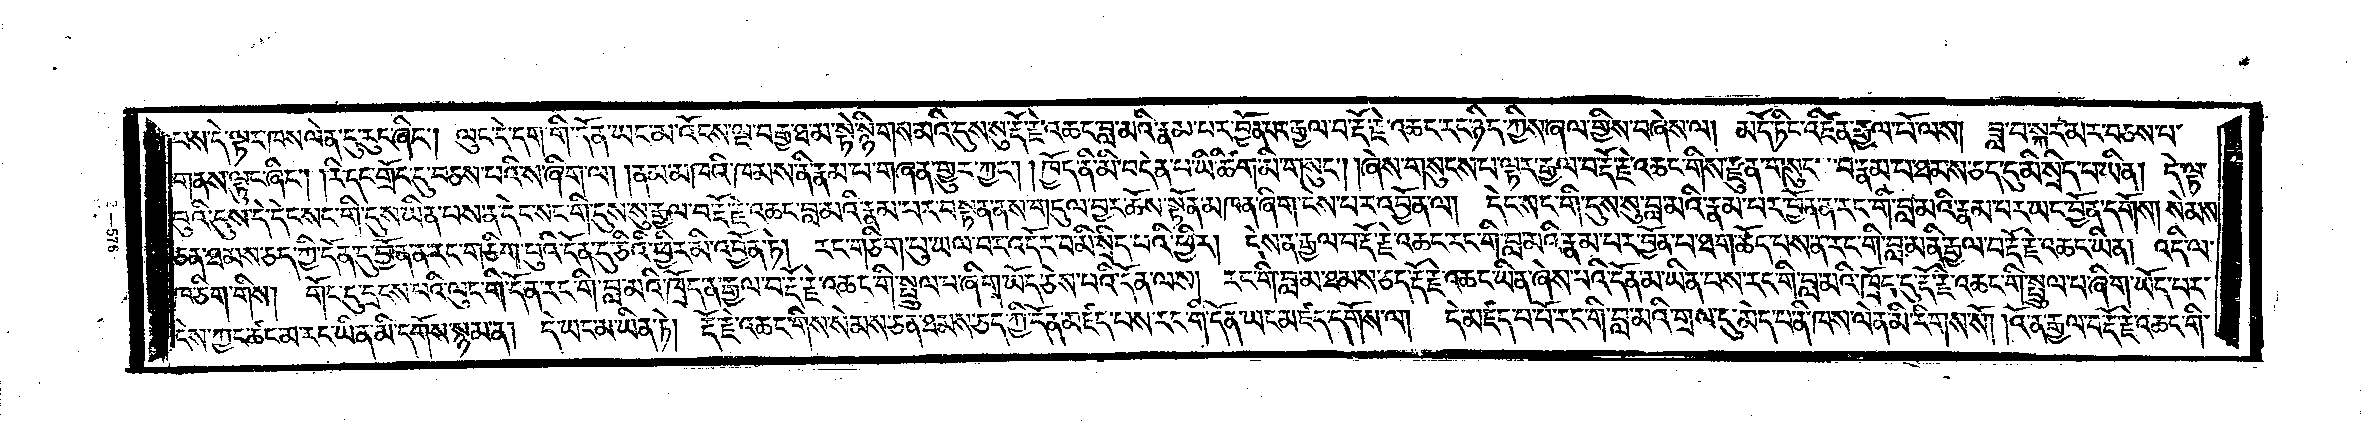པས་དེ་ལྟར་ཁས་ལེན་དུ་རུང་ཞིང་། ལུང་དེ་དག་གི་དོན་ཡང་མ་འོངས་ལྔ་བརྒྱ་ཐ་མ་སྟེ་སྙིགས་མའི་དུས་སུ་རྡོ་རྗེ་འཆང་བླ་མའི་རྣམ་པར་བྱོན་པར་རྒྱལ་བ་རྡོ་རྗེ་འཆང་རང་ཉིད་ཀྱིས་ཞལ་གྱིས་བཞེས་ལ། མདོ་ཏིང་འཛིན་རྒྱལ་པོ་ལས། ཟླ་བ་སྐར་མར་བཅས་པ་
གནས་ལྟུང་ཞིང་། །རི་དང་གྲོང་དུ་བཅས་པའི་ས་ཞིག་ལ། །ནམ་མཁའི་ཁམས་ནི་རྣམ་པ་གཞན་གྱུར་ཀྱང་། །ཁྱོད་ནི་མི་བདེན་པ་ཡི་ཚིག་མི་གསུང་། །ཞེས་གསུངས་པ་ལྟར་རྒྱལ་བ་རྡོ་རྗེ་འཆང་གིས་རྫུན་གསུང་བ་རྣམ་པ་ཐམས་ཅད་དུ་མི་སྲིད་པ་ཡིན། དེ་ལྟ་
བུའི་དུས་དེ་དེང་སང་གི་དུས་ཡིན་པས་ན་དེང་སང་གི་དུས་སུ་རྒྱལ་བ་རྡོ་རྗེ་འཆང་བླ་མའི་རྣམ་པར་བསྟན་ནས་གདུལ་བྱར་ཆོས་སྟོན་མཁན་ཞིག་ངེས་པར་འབྱོན་ལ། དེང་སང་གི་དུས་སུ་བླ་མའི་རྣམ་པར་བྱོན་ན་རང་གི་བླ་མའི་རྣམ་པར་ཡང་བྱོན་དགོས། སེམས་
ཅན་ཐམས་ཅད་ཀྱི་དོན་དུ་བྱོན་ན་རང་གཅིག་པུའི་དོན་དུ་ཅིའི་ཕྱིར་མི་འབྱོན་ཏེ། རང་གཅིག་པུ་ཡལ་བར་འདོར་བ་མི་སྲིད་པའི་ཕྱིར། དེས་ན་རྒྱལ་བ་རྡོ་རྗེ་འཆང་རང་གི་བླ་མའི་རྣམ་པར་བྱོན་པ་ཐག་ཆོད་པས་ན་རང་གི་བླ་མ་ནི་རྒྱལ་བ་རྡོ་རྗེ་འཆང་ཡིན། འདི་ལ་
ཁ་ཅིག་གིས། གོང་དུ་དྲངས་པའི་ལུང་གི་དོན་རང་གི་བླ་མའི་ཁྲོད་ན་རྒྱལ་བ་རྡོ་རྗེ་འཆང་གི་སྤྲུལ་པ་ཞིག་ཡོད་ཅེས་པའི་དོན་ལས། རང་གི་བླ་མ་ཐམས་ཅད་རྡོ་རྗེ་འཆང་ཡིན་ཞེས་པའི་དོན་མ་ཡིན་པས་རང་གི་བླ་མའི་ཁྲོད་དུ་རྡོ་རྗེ་འཆང་གི་སྤྲུལ་པ་ཞིག་ཡོད་པར་
ངེས་ཀྱང་ཚང་མ་རང་ཡིན་མི་དགོས་སྙམ་ན། དེ་ཡང་མ་ཡིན་ཏེ། རྡོ་རྗེ་འཆང་གིས་སེམས་ཅན་ཐམས་ཅད་ཀྱི་དོན་མཛད་པས་རང་གི་དོན་ཡང་མཛད་དགོས་ལ། དེ་མཛད་པ་པོ་རང་གི་བླ་མའི་གྲལ་དུ་མེད་པ་ནི་ཁས་ལེན་མི་རིགས་སོ། །འོ་ན་རྒྱལ་བ་རྡོ་རྗེ་འཆང་གི་